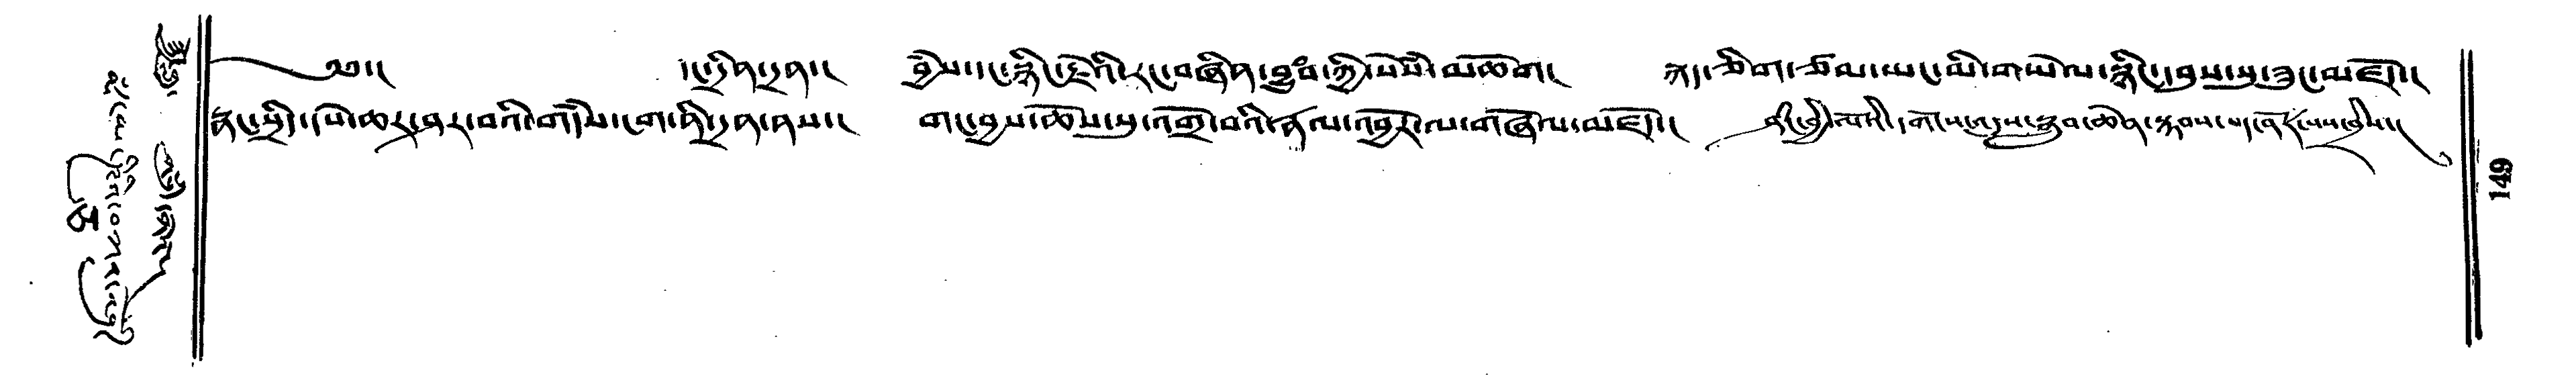དང་དྲིན་དྲན། །བྱམས་དང་སྙིང་རྗེའི་རང་བཞིན་བྱང་ཆུབ་ཀྱི་སེམས་མཆོག །སྐད་ཅིག་ཙམ་ཡང་མི་གཡོལ་སྙིང་དབུས་སུ་གཟུང་མཛོད། །
སྣང་སྲིད་དཔེ་ཆར་ཤར་བའི་གདམས་ངག་ནི་དྲན་ནས། །གང་བྱས་ཆོས་སུ་འགྲོ་བའི་རྣལ་འབྱོར་ལ་གཞོལ་མཛོད། ཤིང་བྱི་ལོའི་དགོངས་འདུས་སྒྲུབ་ཆེན་སྐབས་པད་ནོར་པས་བྲིས། དགེའོ།།